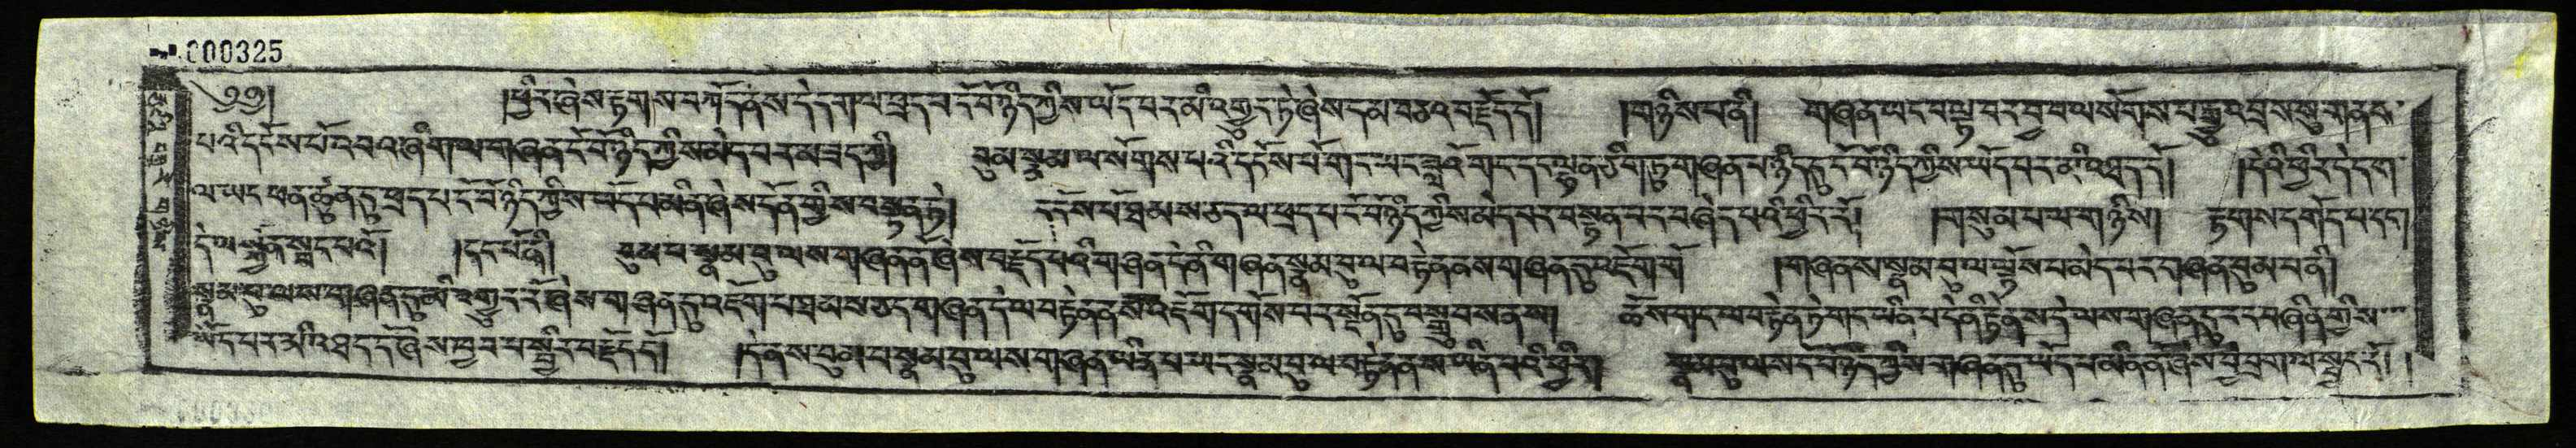༄༅། །ཕྱིར་ཞེས་རྟགས་བཀོད་ནས་དེ་དག་ལ་ཕྲད་པ་ངོ་བོ་ཉིད་ཀྱིས་ཡོད་པར་མི་འགྱུར་ཏེ་ཞེས་དམ་བཅའ་བརྗོད་དོ། །གཉིས་པ་ནི། གཞན་ཡང་བལྟ་བར་བྱ་བ་ལ་སོགས་པ་རྒྱུ་འབྲས་སུ་གནས་
པའི་དངོས་པོ་འབའ་ཞིག་ལ་གཞན་ངོ་བོ་ཉིད་ཀྱིས་མེད་པར་མ་ཟད་ཀྱི། བུམ་སྣམ་ལ་སོགས་པའི་དངོས་པོ་གང་ཡང་ཟླའོ་གང་དང་ལྷན་ཅིག་ཏུ་གཞན་པ་ཉིད་དུ་ངོ་བོ་ཉིད་ཀྱིས་ཡོད་པར་མི་འཐད་དོ། །དེའི་ཕྱིར་དེ་དག་
ལ་ཡང་ཕན་ཚུན་དུ་ཕྲད་པ་ངོ་བོ་ཉིད་ཀྱིས་ཡོད་པ་མིན་ཞེས་དོན་གྱིས་བསྟན་ཏེ། དངོས་པོ་ཐམས་ཅད་ལ་ཕྲད་པ་ངོ་བོ་ཉིད་ཀྱིས་མེད་པར་བསྟན་པར་བཞེད་པའི་ཕྱིར་རོ། །གསུམ་པ་ལ་གཉིས། རྟགས་དགོད་པ་དང་།
དེ་ལ་སྐྱོན་སྤང་པའོ། །དང་པོ་ནི། བུམ་པ་སྣམ་བུ་ལས་གཞན་ནོ་ཞེས་བརྗོད་པའི་གཞན་དེ་ནི་གཞན་སྣམ་བུ་ལ་བརྟེན་ནས་གཞན་དུ་འཇོག་གོ །གཞན་ས་སྣམ་བུ་ལ་ལྟོས་པ་མེད་པར་གཞན་བུམ་པ་ནི།
སྣམ་བུ་ལས་གཞན་དུ་མི་འགྱུར་རོ་ཞེས་གཞན་དུ་འཇོག་པ་ཐམས་ཅད་གཞན་དེ་ལ་བརྟེན་ནས་འཇོག་དགོས་པར་སྔོན་དུ་བསྒྲུབས་ནས། ཆོས་གང་ལ་བརྟེན་ཏེ་གང་ཡིན་པ་དེ་ནི་རྟེན་ས་དེ་ལས་གཞན་དུ་རང་བཞིན་གྱིས་
ཡོད་པར་མི་འཐད་དོ་ཞེས་ཁྱབ་པ་སྤྱིར་བརྗོད་དོ། །དེ་ནས་བུམ་པ་སྣམ་བུ་ལས་གཞན་ཡིན་པ་ཡང་སྣམ་བུ་ལ་བརྟེན་ནས་ཡིན་པའི་ཕྱིར། སྣམ་བུ་ལས་ངོ་བོ་ཉིད་ཀྱིས་གཞན་དུ་ཡོད་པ་མིན་ནོ་ཞེས་བྱེ་བྲག་ལ་སྦྱར་རོ། །